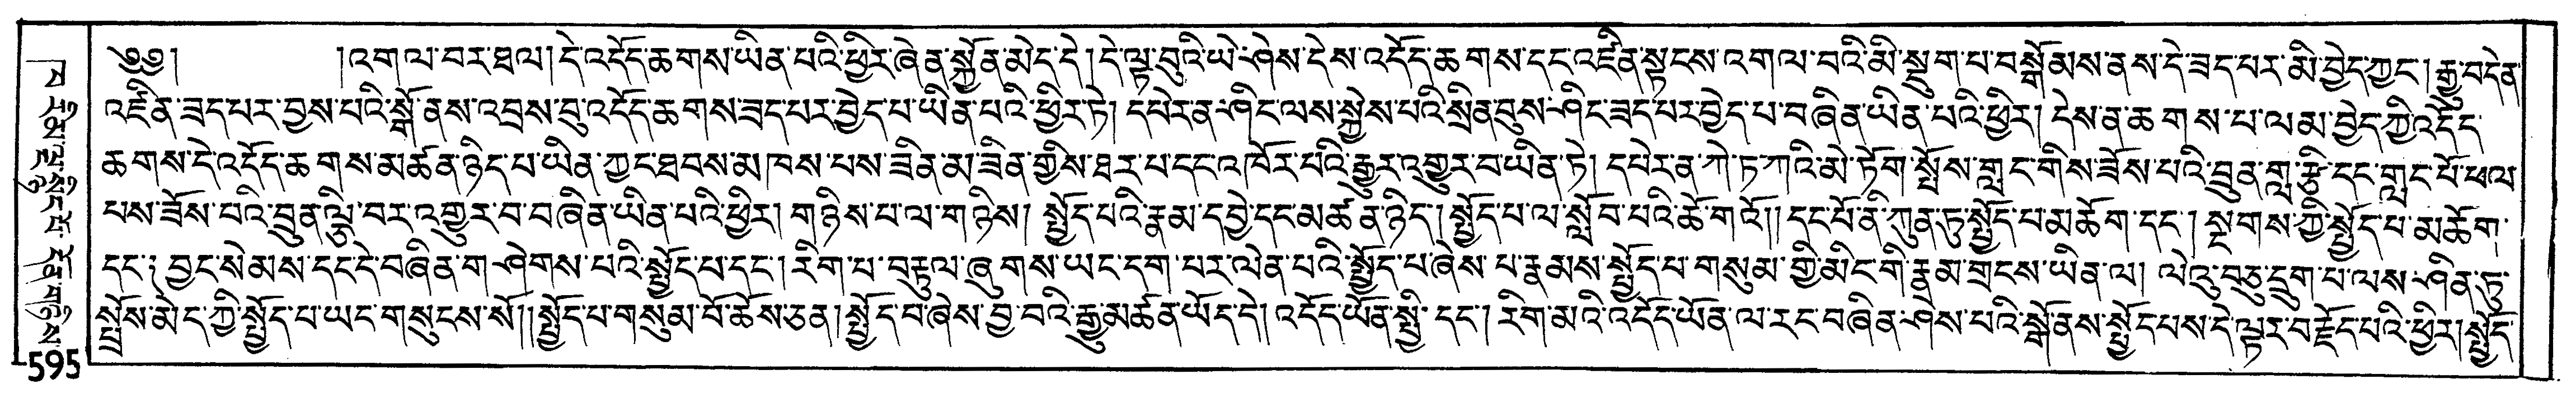༄༅། །འགལ་བར་ཐལ། དེ་འདོད་ཆགས་ཡིན་པའི་ཕྱིར་ཞེན་སྐྱོན་མེད་དེ། དེ་ལྟ་བུའི་ཡེ་ཤེས་དེས་འདོད་ཆགས་དང་འཛིན་སྟངས་འགལ་བའི་མི་སྡུག་པ་བསྒོམས་ནས་དེ་ཟད་པར་མི་བྱེད་ཀྱང་། རྒྱུ་བདེན་
འཛིན་ཟད་པར་བྱས་པའི་སྒོ་ནས་འབྲས་བུ་འདོད་ཆགས་ཟད་པར་བྱེད་པ་ཡིན་པའི་ཕྱིར་ཏེ། དཔེར་ན་ཤིང་ལས་སྐྱེས་པའི་སྲིན་བུས་ཤིང་ཟད་པར་བྱེད་པ་བཞིན་ཡིན་པའི་ཕྱིར། དེས་ན་ཆགས་པ་ལམ་བྱེད་ཀྱི་འདོད་
ཆགས་དེ་འདོད་ཆགས་མཚན་ཉིད་པ་ཡིན་ཀྱང་ཐབས་མཁས་པས་ཟིན་མ་ཟིན་གྱིས་ཐར་པ་དང་འཁོར་པའི་རྒྱུར་འགྱུར་བ་ཡིན་ཏེ། དཔེར་ན་ཀེ་ཏ་ཀའི་མེ་ཏོག་སྤོས་གླང་གིས་ཟོས་པའི་བྲུན་གླ་རྩི་དང་གླང་པོ་ཕལ་
པས་ཟོས་པའི་བྲུན་ལྕི་བར་འགྱུར་བ་བཞིན་ཡིན་པའི་ཕྱིར། གཉིས་པ་ལ་གཉིས། སྤྱོད་པའི་རྣམ་དབྱེ་དང་མཚན་ཉིད། སྤྱོད་པ་ལ་སློབ་པའི་ཆོ་གའོ། །དང་པོ་ནི་ཀུན་ཏུ་སྤྱོད་པ་མཆོག་དང་། སྔགས་ཀྱི་སྤྱོད་པ་མཆོག་
དང་། བྱང་སེམས་དང་དེ་བཞིན་གཤེགས་པའི་སྤྱོད་པ་དང་། རིག་པ་བརྟུལ་ཞུགས་ཡང་དག་པར་ལེན་པའི་སྤྱོད་པ་ཞེས་པ་རྣམས་སྤྱོད་པ་གསུམ་གྱི་མིང་གི་རྣམ་གྲངས་ཡིན་ལ། ལེའུ་བཅུ་དྲུག་པ་ལས་ཤིན་ཏུ་
སྤྲོས་མེད་ཀྱི་སྤྱོད་པ་ཡང་གསུངས་སོ། །སྤྱོད་པ་གསུམ་པོ་ཆོས་ཅན། སྤྱོད་པ་ཞེས་བྱ་བའི་རྒྱུ་མཚན་ཡོད་དེ། འདོད་ཡོན་སྤྱི་དང་། རིག་མའི་འདོད་ཡོན་ལ་རང་བཞིན་ཤེས་པའི་སྒོ་ནས་སྤྱོད་པས་དེ་ལྟར་བརྗོད་པའི་ཕྱིར། སྤྱོད་